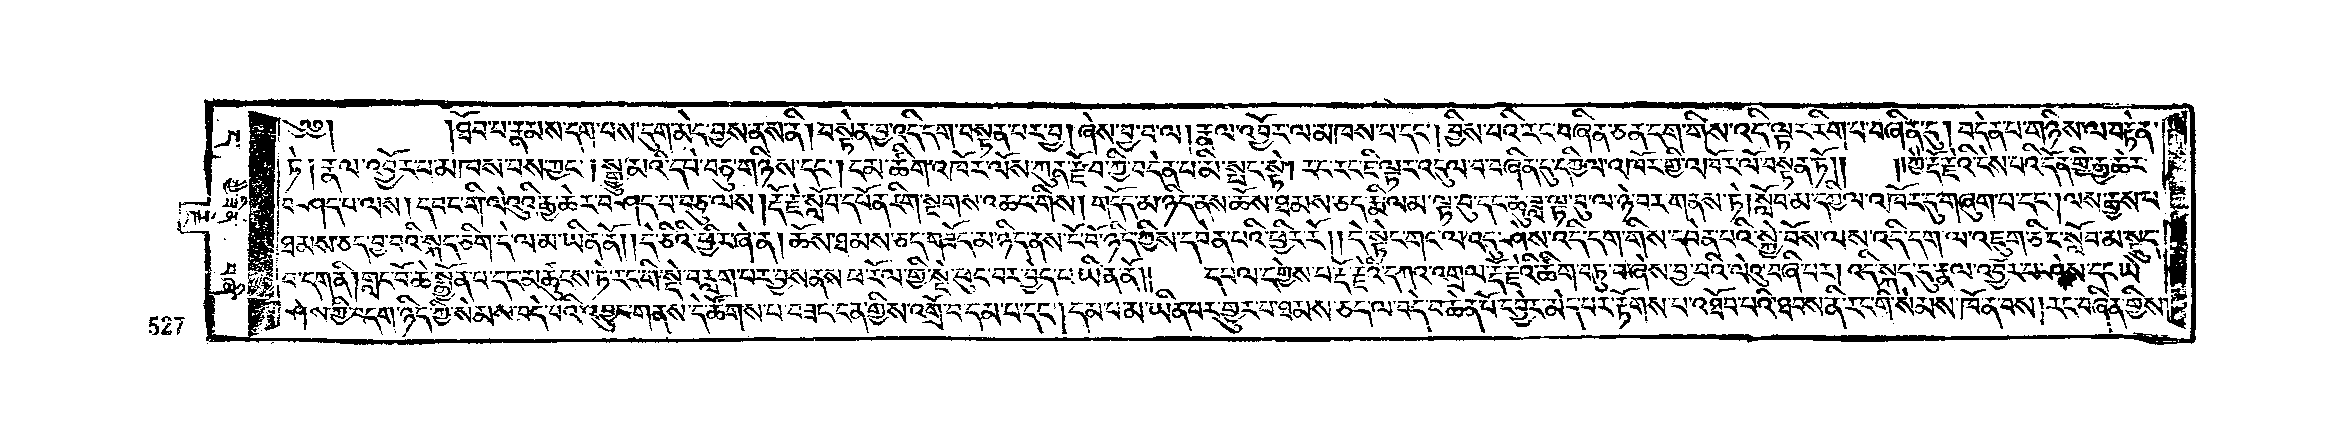༄༅། །ཐོབ་པ་རྣམས་དག་པས་དུག་མེད་བྱས་ནས་ནི། བསྟེན་བྱ་འདི་དག་བསྟན་པར་བྱ། ཞེས་བྱ་བ་ལ། རྣལ་འབྱོར་ལ་མཁས་པ་དང་། བྱིས་པའི་རང་བཞིན་ཅན་དག་གིས་འདི་ལྟར་རིག་པ་བཞིན་དུ། བདེན་པ་གཉིས་ལ་བརྟེན་
ཏེ། རྣལ་འབྱོར་པ་མཁས་པས་ཀྱང་། སྒྱུ་མའི་དཔེ་བཅུ་གཉིས་དང་། དམ་ཚིག་འཁོར་ལོས་ཀུན་རྫོབ་ཀྱི་བདེན་པ་མི་སྤང་སྟེ། རང་རང་ཇི་ལྟར་འདུལ་བ་བཞིན་དུ་དཀྱིལ་འཁོར་གྱི་འཁོར་ལོ་བསྟན་ཏོ།། །།ཀྱཻ་རྡོ་རྗེའི་ངེས་པའི་དོན་གྱི་རྒྱ་ཆེར་
བཤད་པ་ལས། དབང་གི་ལེའུའི་རྒྱ་ཆེར་བཤད་པ་བཅུ་ལས། རྡོ་རྗེ་སློབ་དཔོན་རིག་སྔགས་འཆང་གིས། གདོད་མ་ཉིད་ནས་ཆོས་ཐམས་ཅད་རྨི་ལམ་ལྟ་བུ་དང་ཆུ་ཟླ་ལྟ་བུ་ལ་ཉེ་བར་གནས་ཏེ། སློབ་མ་དཀྱིལ་འཁོར་དུ་གཞུག་པ་དང་། ལས་རྒྱས་པ་
ཐམས་ཅད་བྱ་བའི་སྐད་ཅིག་དེ་ལ་མ་ཡིན་ནོ། །དེ་ཅིའི་ཕྱིར་ཞེ་ན། ཆོས་ཐམས་ཅད་གཟོད་མ་ཉིད་ནས་ངོ་བོ་ཉིད་ཀྱིས་དབེན་པའི་ཕྱིར་རོ། །དེ་སྟེང་གང་ལ་འདུ་ཤེས་འདི་དག་གིས་དབེན་པའི་སྐྱེ་བོས་ལས་འདི་དག་ལ་འཇུག་ཅིང་སློབ་མ་སྡུད་
པ་དག་ནི། གླང་པོ་ཆེ་སྨྱོན་པ་དང་མཚུངས་ཏེ་རང་གི་སྡེ་བརླག་པར་བྱས་ནས་ཕ་རོལ་གྱི་སྡེ་ཕུང་བར་བྱེད་པ་ཡིན་ནོ། །དཔལ་དགྱེས་པ་རྡོ་རྗེའི་དཀའ་འགྲལ་རྡོ་རྗེའི་ཚིག་བཏུ་བ་ཞེས་བྱ་བའི་ལེའུ་བཞི་པར། འདི་སྐད་དུ་རྣལ་འབྱོར་པ་ཤེས་དང་ཡེ་
ཤེས་ཀྱི་བདག་ཉིད་ཀྱི་སེམས་བདེ་བའི་འབྱུང་གནས་དེ་ཚོགས་པ་བཟང་ངན་གྱིས་འགྲོ་བ་དམ་པ་དང་། དམ་པ་མ་ཡིན་པར་གྱུར་པ་ཐམས་ཅད་ལ་བདེ་བ་ཆེན་པོ་དབྱེར་མེད་པར་རྟོགས་པ་འཐོབ་པའི་ཐབས་ནི་རང་གི་སེམས་ཁོ་ན་བས། རང་བཞིན་གྱིས་